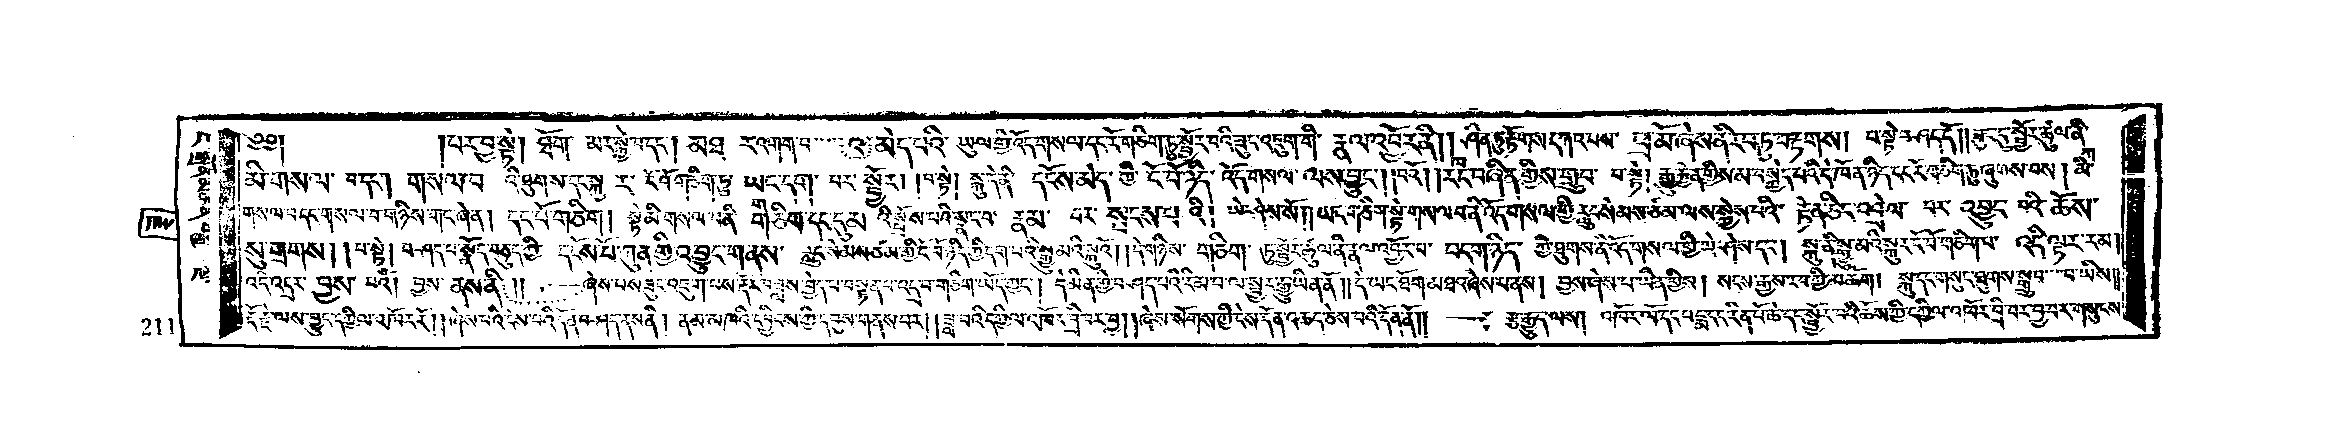༄༅། །པར་བྱ་སྟེ། ཐོག་མར་སྐྱེ་བ་དང་།  མཐར་འགག་པའི་མེད་པའི་ཡུལ་གྱི་འོད་གསལ་དང་རོ་གཅིག་ཏུ་སྦྱོར་བའི་ཟུང་འཇུག་གི་རྣལ་འབྱོར་ནི། ། ཤིན་ཏུ་རྟོགས་དཀའ་བས་ཕྲ་མོ་ཞེས་ནི་རབ་ཏུ་བརྟགས། བསྟེ་བཤད་དོ། །ཟུང་དུ་སྦྱོར་ཚུལ་ནི
མི་གསལ་བ་དང་།  གསལ་བའི་ཐུགས་དང་སྐུར་ངོ་བོ་གཅིག་ཏུ་ཡང་དག་པར་སྦྱོར། ། བ་སྟེ། སྐུ་དེ་ནི་དངོས་མེད་ཀྱི་ངོ་བོ་ཉིད་འོད་གསལ་ལས་བྱུང་། ། བའོ།  །ཁ྄་རང་བཞིན་གྱིས་གྲུབ་པ་སྟེ། རྒྱུ་རྐྱེན་གྱིས་མ་བསྐྱེད་པའི་དེ་ཁོ་ན་ཉིད་དང་རོ་གཅིག་ཏུ་ཞུགས་པས། །ཀ་མི་
གསལ་བ་དང་གསལ་བ་གཉིས་གང་ཞེ་ན། དང་པོ་གཅིག ། སྟེ་མི་གསལ་བ་ནི་ག྄་གཅིག་དང་དུ་མའི་སྤྲོས་པའི་སྣང་བ་རྣམ་པར་སྤངས་པའི། ཡེ་ཤེས་སོ། །ཡང་གཅིག་སྟེ་གསལ་བ་ནི་འོད་གསལ་བྱེ་རླུང་སེམས་ཙམ་ལས་སྐྱེས་པའི་རྟེན་ཅིང་འབྲེལ་པར་འབྱུང་བའི་ཆོས་
སུ་གྲགས། ། པ་སྟེ། བཤད་པ་སྣོད་བཅུད་ཀྱི་དངོས་པོ་ཀུན་གྱི་འབྱུང་གནས་རླུང་སེམས་ཙམ་གྱི་ངོ་བོ་ཉིད་ཀྱི་དག་པའི་སྒྱུ་མའི་སྐུའོ། །དེ་གཉིས་གཅིག་ཏུ་སྦྱོར་ཚུལ་ནི་རྣལ་འབྱོར་པ་བདག་ཉིད་ཀྱི་ཐུགས་ནི་འོད་གསལ་གྱི་ཡེ་ཤེས་དང་། སྐུ་ནི་སྒྱུ་མའི་སྐུར་ངོ་བོ་གཅིག་པ་འདི་ལྟར་རམ།
འདི་འདྲར་བྱས་པའོ། བྱས་ནས་ནི།། ཞེས་པས་ཟུང་འཇུག་པས་རྡོར་བཟླས་བྱེད་པ་བསྟན་པ་འདྲ་བ་གཅིག་ཡོད་ཀྱང་། དེ་མིན་གྱི་བཤད་པའི་རིམ་པ་ལ་སྦྱར་རྒྱུ་ཡིན་ནོ། །དེ་ཡང་ཐོག་མཐའ་ཞེས་པ་ནས། བྱས་ཞེས་པ་ཡིན་གྱིས། སངས་རྒྱས་རབ་ཀྱི་མཆོག །སྐུ་དང་གསུང་ཐུགས་སྒྲུབ་པ་ཡིས།།
རྡོ་རྗེ་ལས་བྱུང་དཀྱིལ་འཁོར་རོ། །ཞེས་པའི་ངེས་པའི་དོན་བཤད་ནས་ནི། ནམ་མཁའི་དབྱིངས་ཀྱི་དབུས་གནས་པར། །ཟླ་བའི་དཀྱིལ་འཁོར་བྲི་བར་བྱ། །ཞེས་སོགས་ཀྱི་ངེས་དོན་འཆད་ཅེས་པའི་དོན་ནོ།། རྩ་རྒྱུད་ལས། འཁོར་ལོ་དང་པདམ་དང་རིན་པོ་ཆེ་དང་སྦྱོར་བའི་ཆོས་ཀྱི་དཀྱིལ་འཁོར་བྲི་བར་བྱ་བར་གསུངས་